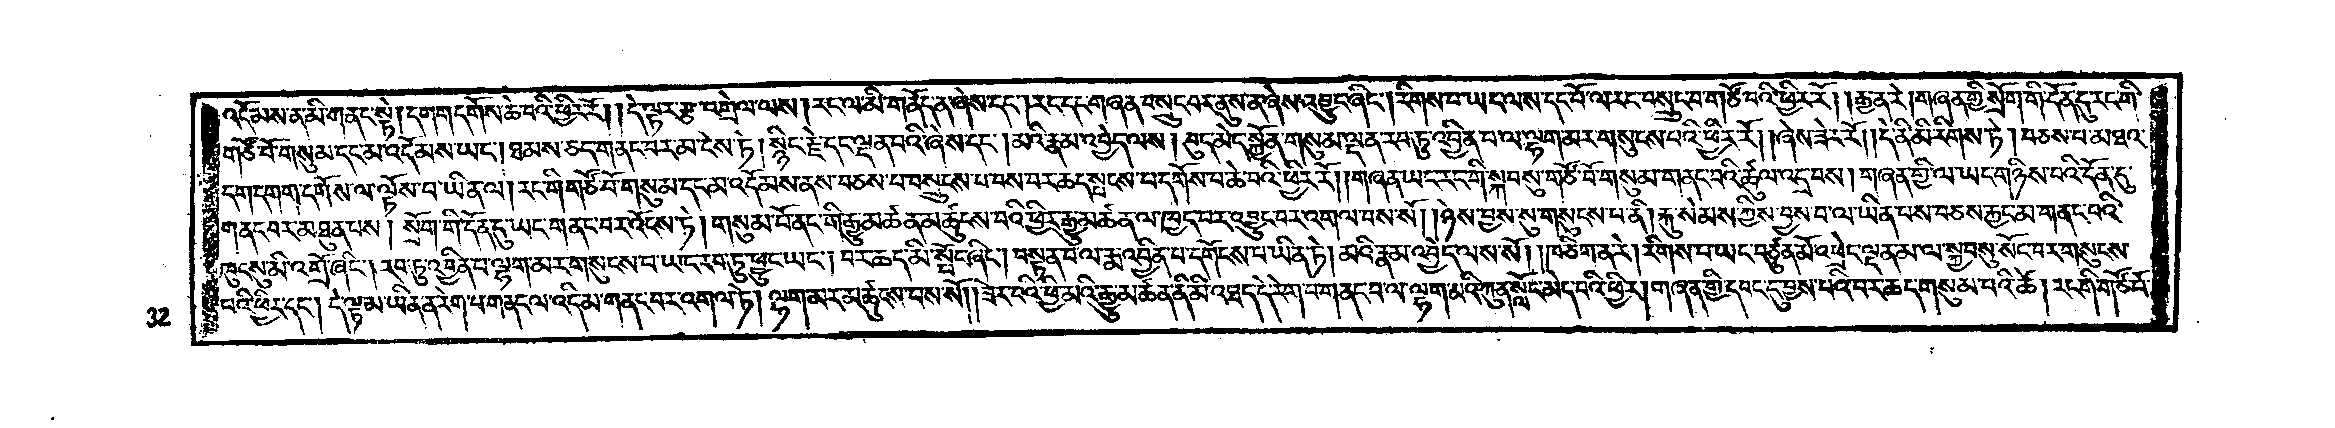འདོམས་ན་མི་གནང་སྟེ། དགག་དགོས་ཆེ་བའི་ཕྱིར་རོ། །དེ་ལྟར་རྩ་འགྲེལ་ལས། རང་ལ་མི་གནོད་ན་ཞེས་དང་། རང་དང་གཞན་བསྲུང་བར་ནུས་ན་ཞེས་འབྱུང་ཞིང་། རིགས་པ་ཡང་ལས་དང་པོ་ལ་རང་བསྲུང་བ་གཙོ་བའི་ཕྱིར་རོ། །རྒྱ་ན་རེ། གཞན་གྱི་སྲོག་གི་དོན་དུ་རང་གི་
གཙོ་བོ་གསུམ་དང་མ་འདོམས་ཡང་། ཐམས་ཅད་གནང་བར་མ་ངེས་ཏེ། སྙིང་རྗེ་དང་ལྡན་པའི་ཞེས་དང་། མའི་རྣམ་འབྱེད་ལས། བུད་མེད་སྐྱོན་གསུམ་ལྡན་རབ་ཏུ་འབྱིན་པ་ལ་ལྷག་མར་གསུངས་པའི་ཕྱིར་རོ། །ཞེས་ཟེར་རོ། །དེ་ནི་མི་རིགས་ཏེ། བཅས་པ་མཐའ་
དག་དགག་དགོས་ལ་ལྟོས་པ་ཡིན་ལ། རང་གི་གཙོ་བོ་གསུམ་དང་མ་འདོམས་ནས་བཅས་པ་བསྲུངས་པ་བས་བར་ཆད་སྤངས་པ་དགོས་པ་ཆེ་བའི་ཕྱིར་རོ། །གཞན་ཡང་རང་གི་སྐབས་སུ་གཙོ་བོ་གསུམ་གནང་བའི་ཚུལ་འདྲ་བས། གཞན་གྱི་ལ་ཡང་གཉིས་པའི་དོན་དུ་
གནང་བར་མཐུན་པས། སྲོག་གི་དོན་དུ་ཡང་གནང་བར་འོངས་ཏེ། གསུམ་པོ་ནང་གི་རྒྱུ་མཚན་མཚུངས་པའི་ཕྱིར་རྒྱུ་མཚན་ལ་ཁྱད་པར་འབྱུང་བར་འགལ་བས་སོ། །ཉེས་བྱས་སུ་གསུངས་པ་ནི། རྐུ་སེམས་ཀྱིས་བྱས་པ་ལ་ཡིན་པས་བཅས་རྐྱང་མ་གནང་བའི་
ཁུངས་སུ་མི་འགྲོ་ཞིང་། རབ་ཏུ་འབྱིན་པ་ལྷག་མར་གསུངས་པ་ཡང་རབ་ཏུ་ཕྱུང་ཡང་། བར་ཆད་མི་སྤོང་ཞིང་། བསྟན་པ་ལ་རྨ་འབྱིན་པ་དགོངས་པ་ཡིན་ཏེ། མའི་རྣམ་འབྱེད་ལས་སོ། །ཁ་ཅིག་ན་རེ། རིགས་པ་ཡང་བཙུན་མོ་འཕྲེང་ལྡན་མ་ལ་སྐྱབས་སུ་སོང་བར་གསུངས་
པའི་ཕྱིར་དང་། དེ་ལྟ་མ་ཡིན་ན་རེག་པ་གནང་ལ་འདི་མ་གནང་བར་འགལ་ཏེ། ལྷག་མར་མཚུངས་པས་སོ། །ཟེར་བའི་ཕྱི་མའི་རྒྱུ་མཚན་ནི་མི་འཐད་དེ་རེག་པ་གནང་བ་ལ་ལྷག་མའི་ཀུན་སློང་མེད་པའི་ཕྱིར། གཞན་གྱི་དབང་དུ་བྱས་པའི་བར་ཆད་གསུམ་པའི་ཚེ། རང་གི་གཙོ་བོ་